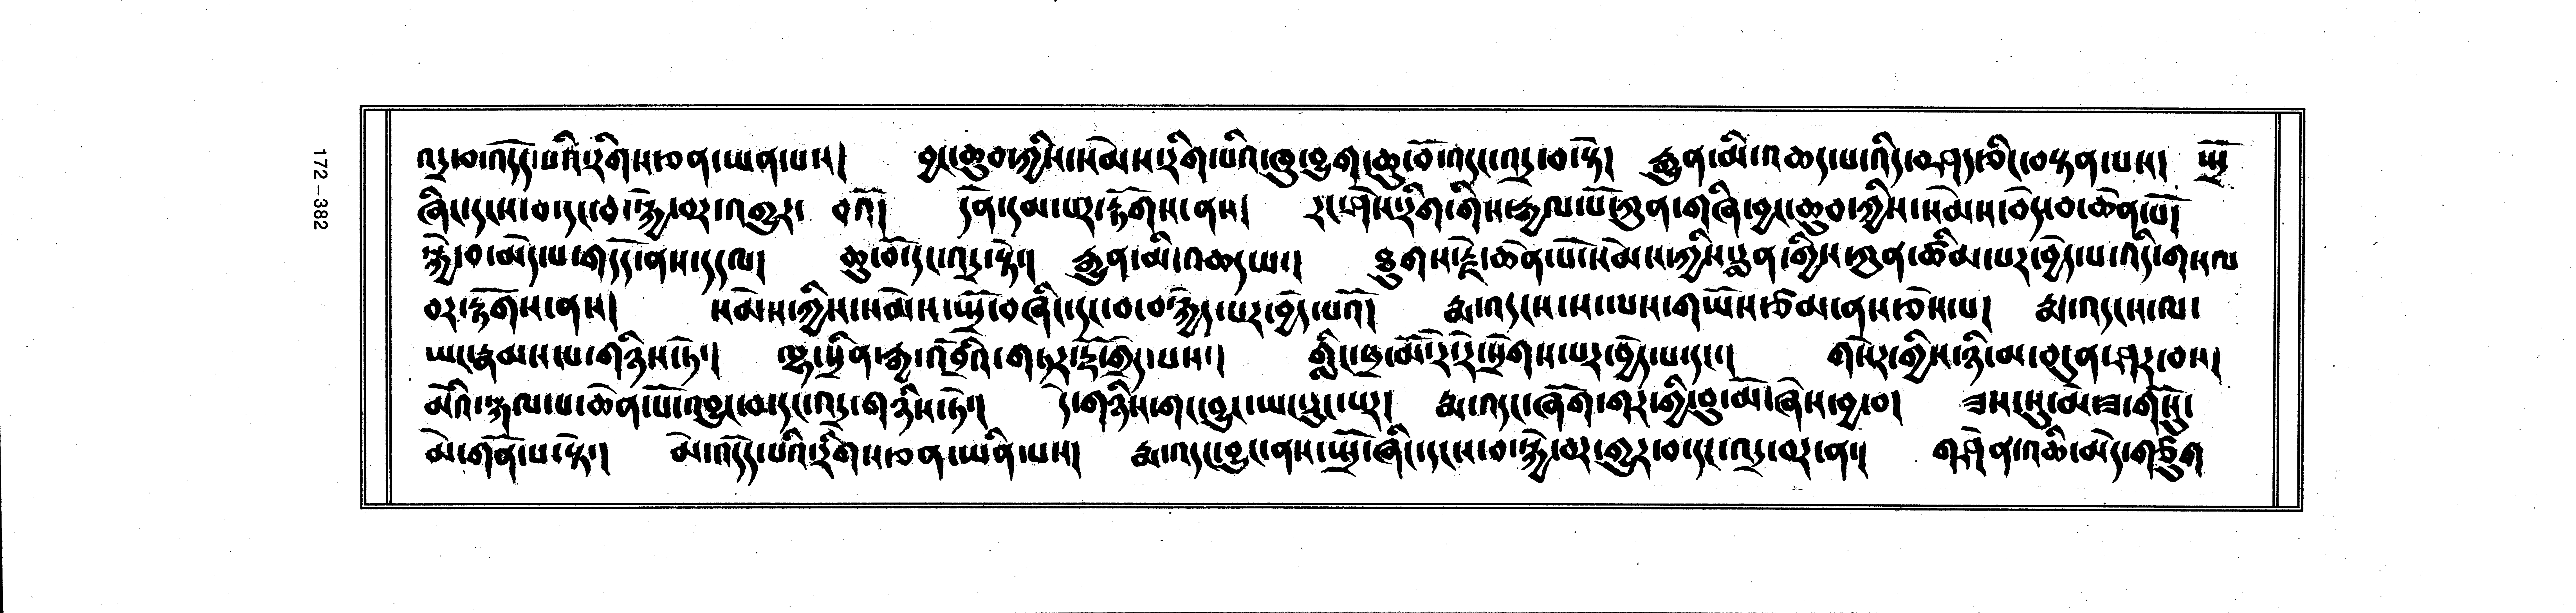འདྲ་བ་འདོད་པའི་རིགས་ཅན་ཡན་པས། བྱང་ཆུབ་ཀྱིས་སེམས་རིག་པའི་ཁུ་བྱུག་ཆུ་བོ་འདང་འདྲ་བ་སྟེ། རྒྱུན་མི་འཆད་པ་འདི་བཤད་ཅིང་བསྟན་པས། སྤྲོ་
ཞིང་དྭངས་བ་དང་སྐྱེ་བར་འགྱུར་བའོ། དོན་དམ་པར་རྟོགས་ནས། རང་ཤེས་རིག་གིས་རྒྱལ་པོ་ཀུན་གཞི་བྱང་ཆུབ་ཀྱིས་སེམས་བདེ་བ་ཆེན་པོ། 
སྐྱེ་བ་མེད་པ་གདོད་ནས་དད་པ་ཆུ་བོ་དང་འདྲ་སྟེ། རྒྱུན་མི་འཆད་པ། ཐུགས་རྗེ་ཆེན་པོ་སེམས་ཀྱིས་རླན་གྱིས་ཀུན་ཚིམ་པར་བྱེད་པ་འདི་གསལ་
བར་རྟོགས་ནས། སེམས་ཀྱིས་སེམས་སྤྲོ་ཞིང་དྭངས་བ་བསྐྱེད་པར་བྱེད་པའོ། རྨ་འདངས་ས་ལས་གཡོས་ཙམ་ནས་ཅེས་པ། རྨ་འདངས་ལས་
ཡང་རྣམ་པ་གཉིས་ཏེ། ལྷ་སྲིན་རྒྱ་འབྲོའི་གཏར་རྡོ་གྲོད་པས། གླིང་ཕྲ་མོ་རེ་རེ་བསྲེག་པར་བྱེད་པ་དང་། གསེར་གྱིས་ཉི་མ་བདུན་ཤར་བས། 
མེའི་བསྐལ་པ་ཆེན་པོ་འབྱུང་བ་དང་འདྲ་གཉིས་ཏེ། དེ་གཉིས་གང་བྱུང་ཡང་རུང་པར། རྨ་འདང་ཞོག་གར་གྱི་བུ་མོ་ཞེས་བྱ་བ། ཟས་སུ་མེ་ཟ་གོས་སུ་
མེ་གོན་པ་སྟེ། མེ་འདོད་པའི་རིགས་ཅན་ཡིན་པས། རྨ་འདང་བྱུང་ནས་སྤྲོ་ཞིང་དྭངས་བ་སྐྱེ་བར་གྱུར་བ་དང་འདྲ་བར་ན། གཤེན་འཆི་མེད་གཙུག་